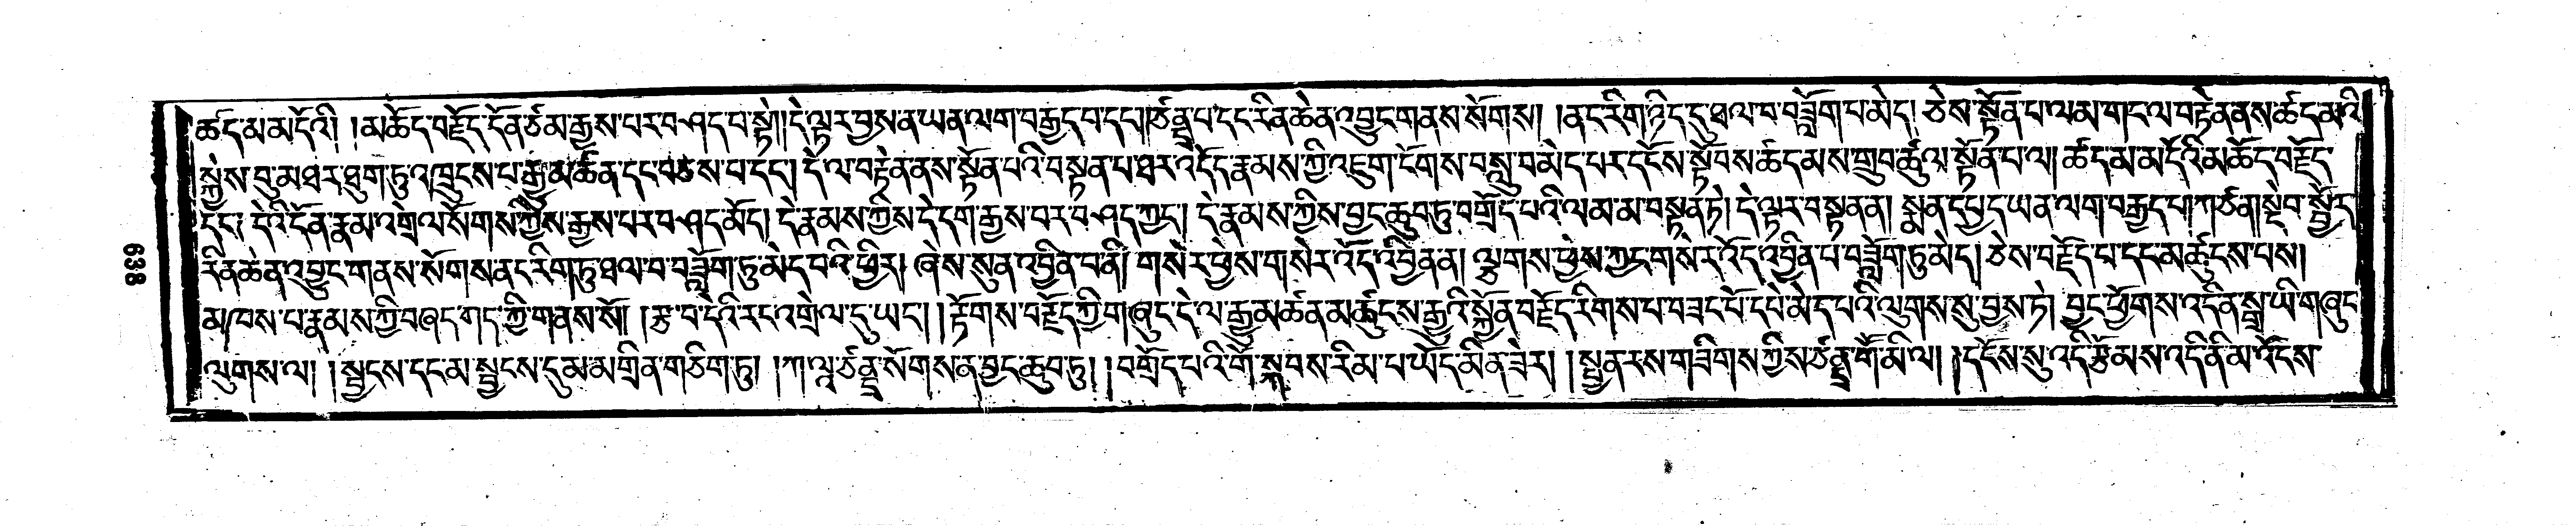ཚད་མ་མདོའི། །མཆོད་བརྗོད་དོན་ཙམ་རྒྱས་པར་བཤད་པ་སྟེ། །དེ་ལྟར་བྱས་ན་ཡན་ལག་བརྒྱད་པ་དག །ཙནྡྲ་པ་དང་རིན་ཆེན་འབྱུང་གནས་སོགས། །ནང་རིག་ཉིད་དུ་ཐལ་བ་བཟློག་པ་མེད། ཅེས་སྟོན་པ་ལམ་གང་ལ་བརྟེན་ནས་ཚད་མའི་
སྐྱེས་བུ་མཐར་ཐུག་ཏུ་འཁྲུངས་པ་རྒྱུ་མཚན་དང་བཅས་པ་དང་། དེ་ལ་བརྟེན་ནས་སྟོན་པའི་བསྟན་པ་ཐར་འདོད་རྣམས་ཀྱི་འཇུག་ངོགས་བསླུ་བ་མེད་པར་དངོས་སྟོབས་ཚད་མས་གྲུབ་ཚུལ་སྟོན་པ་ལ། ཚད་མ་མདོའི་མཆོད་བརྗོད་
དང༑ དེའི་དོན་རྣམ་འགྲེལ་སོགས་ཀྱིས་རྒྱས་པར་བཤད་མོད། དེ་རྣམས་ཀྱིས་དེ་དག་རྒྱས་པར་བཤད་ཀྱང་། དེ་རྣམས་ཀྱིས་བྱང་ཆུབ་ཏུ་བགྲོད་པའི་ལམ་མ་བསྟན་ཏེ། དེ་ལྟར་བསྟན་ན། སྨན་དཔྱད་ཡན་ལག་བརྒྱད་པ། ཀ་ཙ་ན། སྡེབ་སྦྱོར་
རིན་ཆེན་འབྱུང་གནས་སོགས་ནང་རིག་ཏུ་ཐལ་བ་བཟློག་ཏུ་མེད་པའི་ཕྱིར། ཞེས་སུན་འབྱིན་པ་ནི། གསེར་ཕྱེས་གསེར་འོད་འབྱིན་ན། ལྕགས་ཕྱེས་ཀྱང་གསེར་འོད་འབྱིན་པ་བཟློག་ཏུ་མེད། ཅེས་བརྗོད་པ་དང་མཚུངས་པས།
མཁས་པ་རྣམས་ཀྱི་བཞད་གད་ཀྱི་གནས་སོ། །རྩ་བ་དེའི་རང་འགྲེལ་དུ་ཡང་། །རྟོགས་བརྗོད་ཀྱི་གཞུང་དེ་ལ་རྒྱུ་མཚན་མཚུངས་རྒྱུའི་སྐྱོན་བརྗོད་རིགས་པ་བཟང་པོ་དཔེ་མེད་པའི་ལུགས་སུ་བྱས་ཏེ། བྱང་ཕྱོགས་འདི་ན་སྒྲ་ཡི་གཞུང་
ལུགས་ལ། །སྦྱངས་དང་མ་སྦྱངས་དུ་མ་མགྲིན་གཅིག་ཏུ། །ཀ་ལཱ་ཙནྡྲ་སོགས་ན་བྱང་ཆུབ་ཏུ། །བགྲོད་པའི་གོ་སྐབས་རིམ་པ་ཡོད་མིན་ཟེར། །སྤྱན་རས་གཟིགས་ཀྱིས་ཙནྡྲ་གཽ་མི་ལ། །དངོས་སུ་འདི་རྩོམས་འདི་ནི་མ་འོངས་